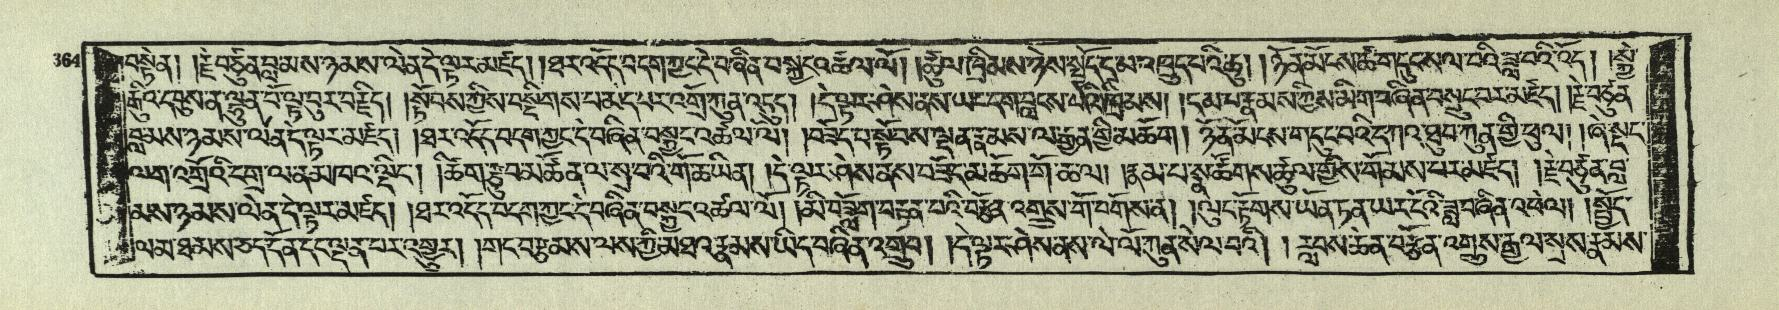བསྟེན། །རྗེ་བཙུན་བླ་མས་ཉམས་ལེན་དེ་ལྟར་མཛད། །ཐར་འདོད་བདག་ཀྱང་དེ་བཞིན་བསྐྱང་འཚལ་ལོ། །ཚུལ་ཁྲིམས་ཉེས་སྤྱོད་དྲ་མ་འཁྲུད་པའི་ཆུ། །ཉོན་མོངས་ཚ་གདུང་སལ་བའི་ཟླ་བའི་འོད། །སྐྱེ་
རྒུའི་དབུས་ན་ལྷུན་པོ་ལྟ་བུར་བརྗིད། །སྟོབས་ཀྱིས་བསྡིགས་པ་མེད་པར་འགྲོ་ཀུན་འདུད། །དེ་ལྟར་ཤེས་ནས་ཡང་དག་བླངས་པའི་ཁྲིམས། །དམ་པ་རྣམས་ཀྱིས་མིག་བཞིན་བསྲུང་བར་མཛད། །རྗེ་བཙུན་
བླ་མས་ཉམས་ལན་དེ་ལྟར་མཛད། །ཐར་འདོད་བདག་ཀྱང་དེ་བཞིན་བསྐྱང་འཚལ་ལོ། །བཟོད་པ་སྟོབས་ལྡན་རྣམས་ལ་རྒྱན་གྱི་མཆོག། ཉོན་མོངས་གདུང་བའི་དཀའ་ཐུབ་ཀུན་གྱི་ཕུལ། །ཞེ་སྡང་
ལག་འགྲོའི་དགྲ་ལ་ནམཁའ་ལྡིང་། །ཚིག་རྩུབ་མཚོན་ལ་སྲ་བའི་གོ་ཆ་ཡིན། །དེ་ལྟར་ཤེས་ནས་བཟོད་མཆོག་གོ་ཆ་ལ། །རྣམ་པ་སྣ་ཚོགས་ཚུལ་གྱིས་གོམས་པར་མཛད། །རྗེ་བཙུན་བླ་
མས་ཉམས་ལེན་དེ་ལྟར་མཛད། །ཐར་འདོད་བདག་ཀྱང་དེ་བཞིན་བསྐྱང་འཚལ་ལོ། །མི་བཟློག་བརྟན་པའི་བཙོན་འགྲུས་གོ་བགོས་ན། །ལུང་རྟོགས་ཡོན་ཏན་ཡར་ངོའི་ཟླ་བ་ཞིན་འཕེལ། །སྤྱོད་
ལམ་ཐམས་ཅད་དོན་དང་ལྡན་པར་འགྱུར། །གང་བརྩམས་ལས་ཀྱི་མཐའ་རྣམས་ཡིད་བཞིན་འགྲུབ། །དེ་ལྟར་ཤེས་ནས་ལེ་ལོ་ཀུན་སེལ་བའི། །རླབས་ཆེན་བརྩོན་འགྲུས་རྒྱལ་སྲས་རྣམས་